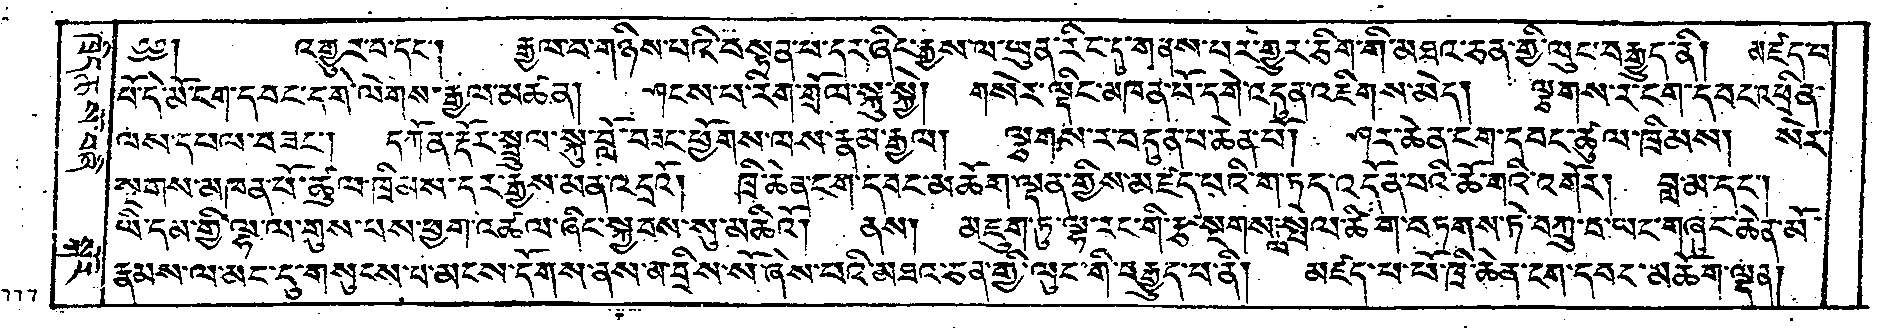༄༅། །འགྱུར་བ་དང་། རྒྱལ་བ་གཉིས་པའི་བསྟན་པ་དར་ཞིང་རྒྱས་ལ་ཡུན་རིང་དུ་གནས་པར་གྱུར་ཅིག་གི་མཐའ་ཅན་གྱི་ལུང་བརྒྱུད་ནི། མཛད་པ་
པོ་དེ་མོ་ངག་དབང་དགེ་ལེགས་རྒྱལ་མཚན། ཤངས་པ་རིག་གྲོལ་སྐུ་སྐྱེ། གསེར་ལྡིང་མཁན་པོ་དགེ་འདུན་འཇིགས་མེད། ལྕགས་ར་ངག་དབང་འཕྲིན་
ལས་དཔལ་བཟང་། དཀོན་རྡོར་སྤྲུལ་སྐུ་བློ་བཟང་ཕྱོགས་ལས་རྣམ་རྒྱལ། ལྕགས་ར་བདུན་པ་ཆེན་པོ། ཤར་ཆེན་ངག་དབང་ཚུལ་ཁྲིམས། སེར་
སྔགས་མཁན་པོ་ཚུལ་ཁྲིམས་དར་རྒྱས་མན་འདྲའོ། ཁྲི་ཆེན་ངག་དབང་མཆོག་ལྡན་གྱིས་མཛད་པའི་གཏད་འདོན་པའི་ཆོ་གའི་འགོར། བླ་མ་དང་།
ཡི་དམ་གྱི་ལྷ་ལ་གུས་པས་ཕྱག་འཚལ་ཞིང་སྐྱབས་སུ་མཆིའོ། ནས། མཇུག་ཏུ་ལྷ་རང་གི་རྩ་སྔགས་ལ་སྤེལ་ཚིག་བཏགས་ཏེ་བཀྲུ་བ་ཡང་གཞུང་ཆེན་མོ་
རྣམས་ལ་མང་དུ་གསུངས་པ་མངས་དོགས་ནས་མ་བྲིས་སོ་ཞེས་པའི་མཐའ་ཅན་གྱི་ལུང་གི་བརྒྱུད་པ་ནི། མཛད་པ་པོ་ཁྲི་ཆེན་ངག་དབང་མཆོག་ལྡན།